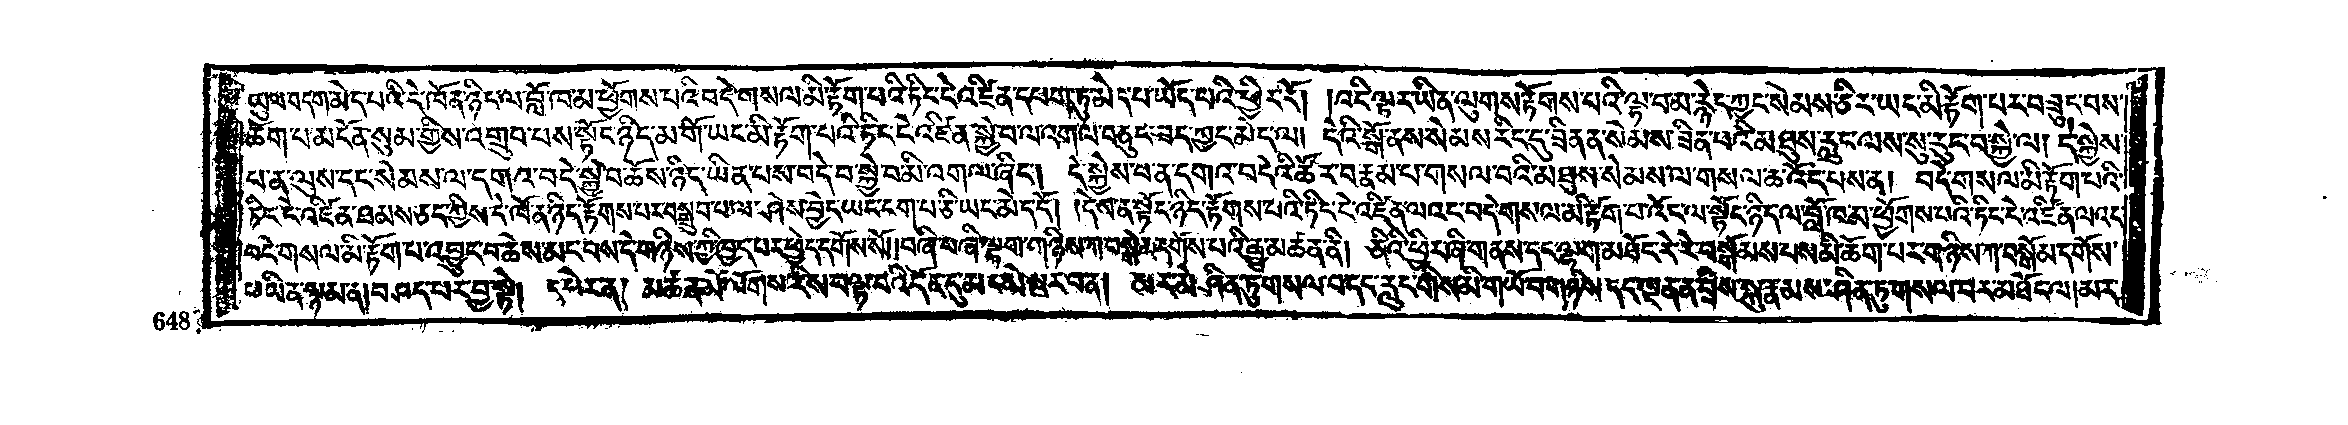ཡུལ་བདག་མེད་པའི་དེ་ཁོ་ན་ཉིད་ལ་བློ་ཁ་མ་ཕྱོགས་པའི་བདེ་གསལ་མི་རྟོག་པའི་ཏིང་ངེ་འཛིན་དཔག་ཏུ་མེད་པ་ཡོད་པའི་ཕྱིར་རོ། །འདི་ལྟར་ཡིན་ལུགས་རྟོགས་པའི་ལྟ་བ་མ་རྙེད་ཀྱང་སེམས་ཅིར་ཡང་མི་རྟོག་པར་བཟུང་བས་
ཆོག་པ་མངོན་སུམ་གྱིས་འགྲུབ་པས་སྟོང་ཉིད་མ་གོ་ཡང་མི་རྟོག་པའི་ཏིང་ངེ་འཛིན་སྐྱེ་བ་ལ་འགལ་བ་ཅུང་ཟད་ཀྱང་མེད་ལ། དེའི་སྒོ་ནས་སེམས་རིང་དུ་ཟིན་ན་སེམས་ཟིན་པའི་མཐུས་རླུང་ལས་སུ་རུང་བ་སྐྱེ་ལ། དེ་སྐྱེས་
པ་ན་ལུས་དང་སེམས་ལ་དགའ་བདེ་སྐྱེ་བ་ཆོས་ཉིད་ཡིན་པས་བདེ་བ་སྐྱེ་བ་མི་འགལ་ཞིང་། དེ་སྐྱེས་པ་ན་དགའ་བདེའི་ཚོར་བ་རྣམ་པ་གསལ་བའི་མཐུས་སེམས་ལ་གསལ་ཆ་འོང་བས་ན། བདེ་གསལ་མི་རྟོག་པའི་
ཏིང་ངེ་འཛིན་ཐམས་ཅད་ཀྱིས་དེ་ཁོ་ན་ཉིད་རྟོགས་པར་བསྒྲུབ་པ་ལ་ཤེས་བྱེད་ཡང་དག་པ་ཅི་ཡང་མེད་དོ། །དེས་ན་སྟོང་ཉིད་རྟོགས་པའི་ཏིང་ངེ་འཛིན་ལའང་བདེ་གསལ་མི་རྟོག་པ་འོང་ལ་སྟོང་ཉིད་ལ་བློ་ཁ་མ་ཕྱོགས་པའི་ཏིང་ངེ་འཛིན་ལའང་
བདེ་གསལ་མི་རྟོག་པ་འབྱུང་བ་ཆེས་མང་བས་དེ་གཉིས་ཀྱི་ཁྱད་པར་ཕྱེད་དགོས་སོ། །བཞི་པ་ཞི་ལྷག་གཉིས་ཀ་བསྒོམ་དགོས་པའི་རྒྱུ་མཚན་ནི། ཅིའི་ཕྱིར་ཞི་གནས་དང་ལྷག་མཐོང་རེ་རེ་བསྒོམས་པས་མི་ཆོག་པར་གཉིས་ཀ་བསྒོམ་དགོས་
པ་ཡིན་སྙམ་ན། བཤད་པར་བྱ་སྟེ། དཔེར་ན། མཚན་མོ་ལོགས་རིས་བལྟ་བའི་དོན་དུ་མར་མེ་སྦར་བ་ན། མར་མེ་ཤིན་ཏུ་གསལ་བ་དང་རླུང་གིས་མི་གཡོ་བ་གཉིས་དང་ལྡན་ན་བྲིས་སྐུ་རྣམས་ཤིན་ཏུ་གསལ་བར་མཐོང་ལ། མར་